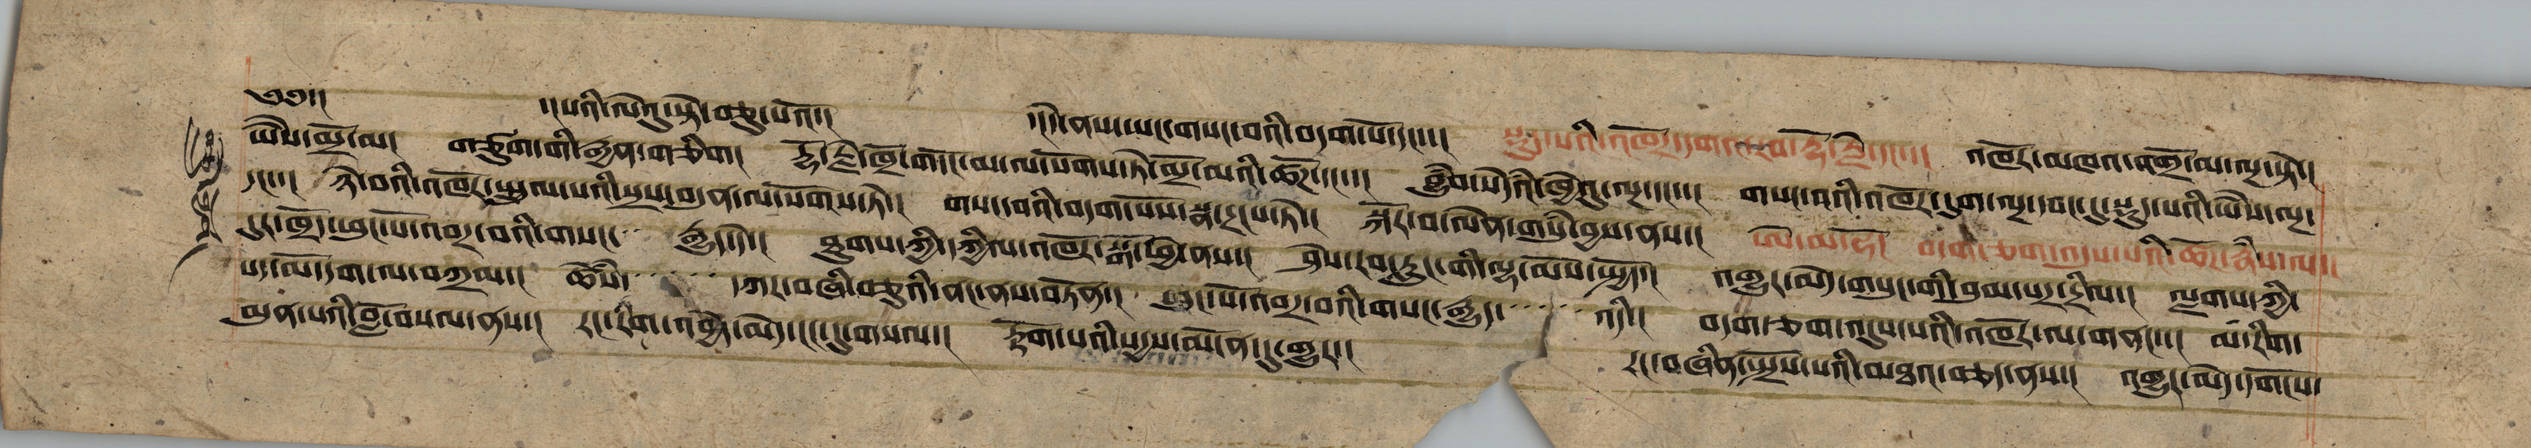༄༅་། ་།པའི་ལེའུ་སྟེ་བཅུ་པའོ་། ་།དེ་ནས་ཡང་གསང་བའི་བདག་པོ་དང་་། སྡུད་པའི་འཁོར་དགའ་རབ་རྡོ་རྗེ་དང་་། འཁོར་མཁའ་འགྲོ་མ་ལྔ་སྟེ་།
ཡཻས་མྲོ་མ། གཙུག་གི་རྒྱན་གཅིག། རྡོ་རྗེ་ཁྲོ་གདོང་མ་ལ་སོགས་ཏེ་མྲོ་མའི་ཚོཌ་དང་་། བྱུཾབ་སེདཾའ་ཁྱེའུ་ལྔ་དང་་། གསང་བའི་འཁོར་དུག་ལྔ་དབང་དུ་སྡུད་པའི་ཡཻས་ལྔ་།
དང་། ཉེ་བའི་འཁོར་སྤྲུལ་པའི་སྲས་བདུན་ལ་སོགས་ཏེ་། གསང་བའི་བདག་པོས་སྣ་དྲངས་ཏེ་། སྐོར་བ་ལེན་གསུཾ་བྱས་ནས་། ཨེ་མ་ཧོ། བདག་ཅག་འདུས་པའི་ཚོཌ་རྣཾས་ལ་།
དུར་ཁྲོད་ཕུང་པོ་འབར་བའི་གསང་ རྒྱུད་དེ་། ཐུགས་ཀྱི་དཀྱིལ་འཁོར་སྒོ་ཕྱེ་ནས་། ཤེས་རབ་རླུང་གི་ལྷ་མོས་སྤྱོད་། འགྱུར་མེད་གསུང་གི་བུམ་པར་དྲིལ་། ལྗགས་ཀྱི་
པད་མོ་དག་ལ་བཀྲམ་། ཚེསཾ་ དཀར་བཞི་བཅུའི་ནང་ནས་བཏོན་། ཕུང་པོ་འབར་བའི་གསང་རྒྱུད་ འདི་། བདག་ཅག་འདུས་པའི་འཁོར་ལ་གནང་་། མ་རིག་
མུན་པའི་བློ་བསལ་ནས་། རང་རིག་དབྱེར་མེད་ངང་དུ་གསལ་། རྟོག་པའི་སདྱས་མངོན་དུ་གྱུར་། རང་བཞིན་སྤྲོས་པའི་མཐའ་བཅད་ནས་། འགྱུར་མེད་དགོངས་